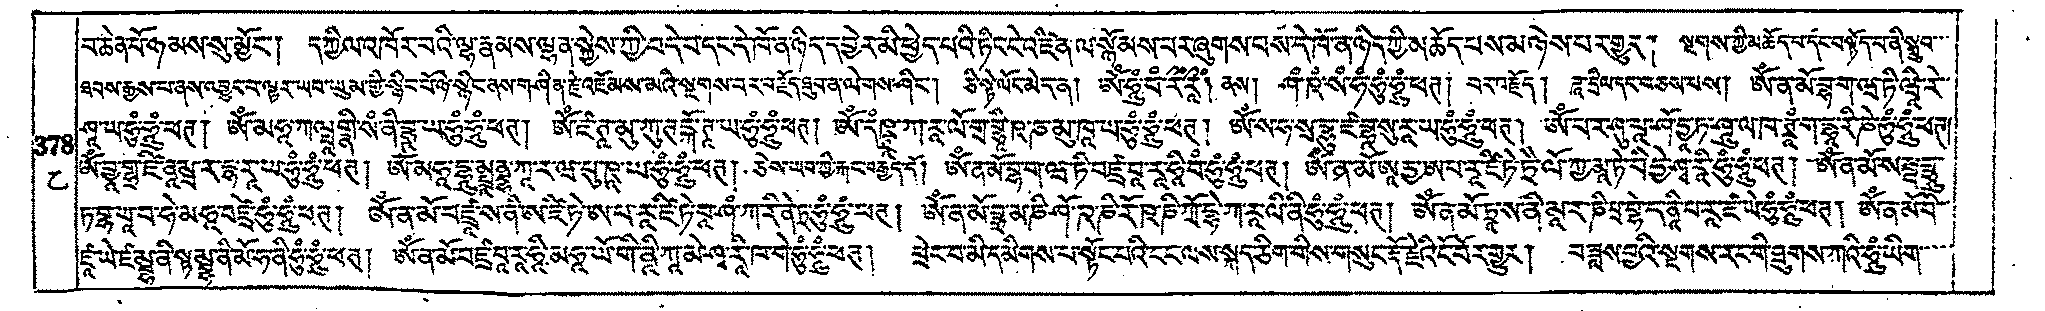པ་ཆེན་པོ་ཉམས་སུ་མྱོང་། དཀྱིལ་འཁོར་བའི་ལྷ་རྣམས་ལྷན་སྐྱེས་ཀྱི་བདེ་བ་དང་དེ་ཁོ་ན་ཉིད་དབྱེར་མི་ཕྱེད་པའི་ཏིང་ངེ་འཛིན་ལ་སྙོམས་པར་ཞུགས་པས་དེ་ཁོ་ན་ཉིད་ཀྱི་མཆོད་པས་མཉེས་པར་གྱུར། སྔགས་ཀྱི་མཆོད་པ་དང་བསྟོད་པ་ནི་སྒྲུབ་་་
ཐབས་རྒྱས་པ་ནས་འབྱུང་བ་ལྟར་ཡབ་ཡུམ་གྱི་སྙིང་པོ་ཉེ་སྙིང་ནས་གཤིན་རྗེ་འཇོམས་མའི་སྔགས་བར་བརྗོད་ཐུབ་ན་ལེགས་ཤིང་། ཅི་སྟེ་ལོང་མེད་ན། ཨོཾ་ཧཱུཾ་བཾ་རྀཾ་རཱྀཾ། ནས། ཤཾ་ཥཾ་སཾ་ཧཾ་ཧུཾ་ཧཱུཾ་ཕཊ། བར་བརྗོད། ཌཱ་དྲིལ་དང་བཅས་པས།  ཨོཾ་ན་མོ་བྷ་ག་ཝ་ཏེ་ཝཱི་རེ་་་
ཤཱ་ཡ་ཧུཾ་ཧཱུཾ་ཕཊ། ཨོཾ་མྷཱ་ཀལྤཱགནི་སཾ་ནི་བྷཱ་ཡ་ཧཱུཾ་ཧཱུཾ་ཕཊ། ཨོཾ་ཛ་ཊཱ་མུ་ཀུ་ཊདཀོ་ཊཱ་ཡ་ཧུཾ་ཧཱུཾ་ཕཊ། ཨོཾ་དཾཥྚྲཱ་ཀ་རཱ་ལོ་གྲ་བྷཱི་ཥ་ཎ་མུ་ཁཱ་ཡ་ཧུཾ་ཧཱུཾ་ཕཊ། ཨོཾ་ས་ཧ་སྲ་བྷུ་ཛ་བྷཱ་སུ་རཱ་ཡ་ཧུཾ་ཧཱུཾ་ཕཊ་ཨོཾ་པ་ར་ཤུ་པཱ་ཤོ་དྱཱ་ཏ་ཤཱུ་ལ་ཁ་ཊྭཱཾ་ག་དྷཱ་རི་ཎེ་ཧུཾ་ཧཱུཾ་ཕཊ།
ཨོཾ་བྱཱ་གྷྲ་ཛི་ནཱམྦ་ར་དྷ་རཱ་ཡ་ཧུཾ་ཧཱུཾ་ཕཊ། ཨོཾ་མྷཱ་དྷཱུ་མྤྲཱནྡྷ་ཀཱ་ར་པུ་ཥཱ་ཡ་ཧུཾ་ཧཱུཾ་ཕཊ། ཅེས་ཡབ་ཀྱི་རྐང་བརྒྱད་དོ།  ཨོཾ་ན་མོ་བྷ་ག་ཝ་ཏི་བཛྲ་བཱ་ར་ཧཱི་བཾ་ཧུཾ་ཧཱུཾ་ཕཊ། ཨོཾ་ན་མོ་ཨཱརྱ་ཨ་པ་རཱ་ཛི་ཏེ་ཏྲཻ་ལོ་ཀྱ་མཱ་ཏེ་བིདྱེ་ཤྭ་རཱི་ཧུཾ་ཧཱུཾ་ཕཊ། ཨོཾ་ན་མོ་སརྦྦ་བྷཱུ་
ཏ་བྷ་ཡཱ་བ་ཧེ་མྷཱ་བཛྲེ་ཧུཾ་ཧཱུཾ་ཕཊ། ཨོཾ་ན་མོ་བཛྲཱ་ས་ནི་ཨ་ཛི་ཏེ་ཨ་པ་རཱ་ཛི་ཏེ་བཱ་ཤཾ་ཀ་རི་ནེ་ཏྲ་ཧུཾ་ཧཱུཾ་ཕཊ། ཨོཾ་ན་མོ་བྷྲ་མ་ཎི་རོ་ཥ་ཎི་ཀྲོ་དྷེ་ཀ་རཱ་ལི་ནི་ཧུཾ་ཧཱུཾ་ཕཊ། ཨོཾ་ན་མོ་ཏྲཱ་ས་ནི་མཱ་ར་ཎི་པྲ་བྷེ་ད་ནཱི་པ་རཱ་ཛ་ཡེ་ཧུཾ་ཧཱུཾ་ཕཊ། ཨོཾ་ན་མོ་བི་་་
ཛཱ་ཡེ་ཛམྦྷ་ནི་སྟམྦྷ་ནི་མོ་ཧ་ནི་ཧུཾ་ཧཱུཾ་ཕཊ། ཨོཾ་ན་མོ་བཛྲ་བཱ་རཱ་ཧཱི་མྷཱ་ཡོ་གི་ནཱི་ཀཱ་མེ་ཤྭ་རཱི་ཁ་གེ་ཧུཾ་ཧཱུཾ་ཕཊ། ཕྲེང་བ་མི་དམིགས་པ་སྟོང་པའི་ངང་ལས་སྐད་ཅིག་གིས་གསུང་རྡོ་རྗེའི་ངོ་བོར་གྱུར། བཟླས་བྱའི་སྔགས་རང་གི་ཐུགས་ཀའི་ཧཱུཾ་ཡིག་་་